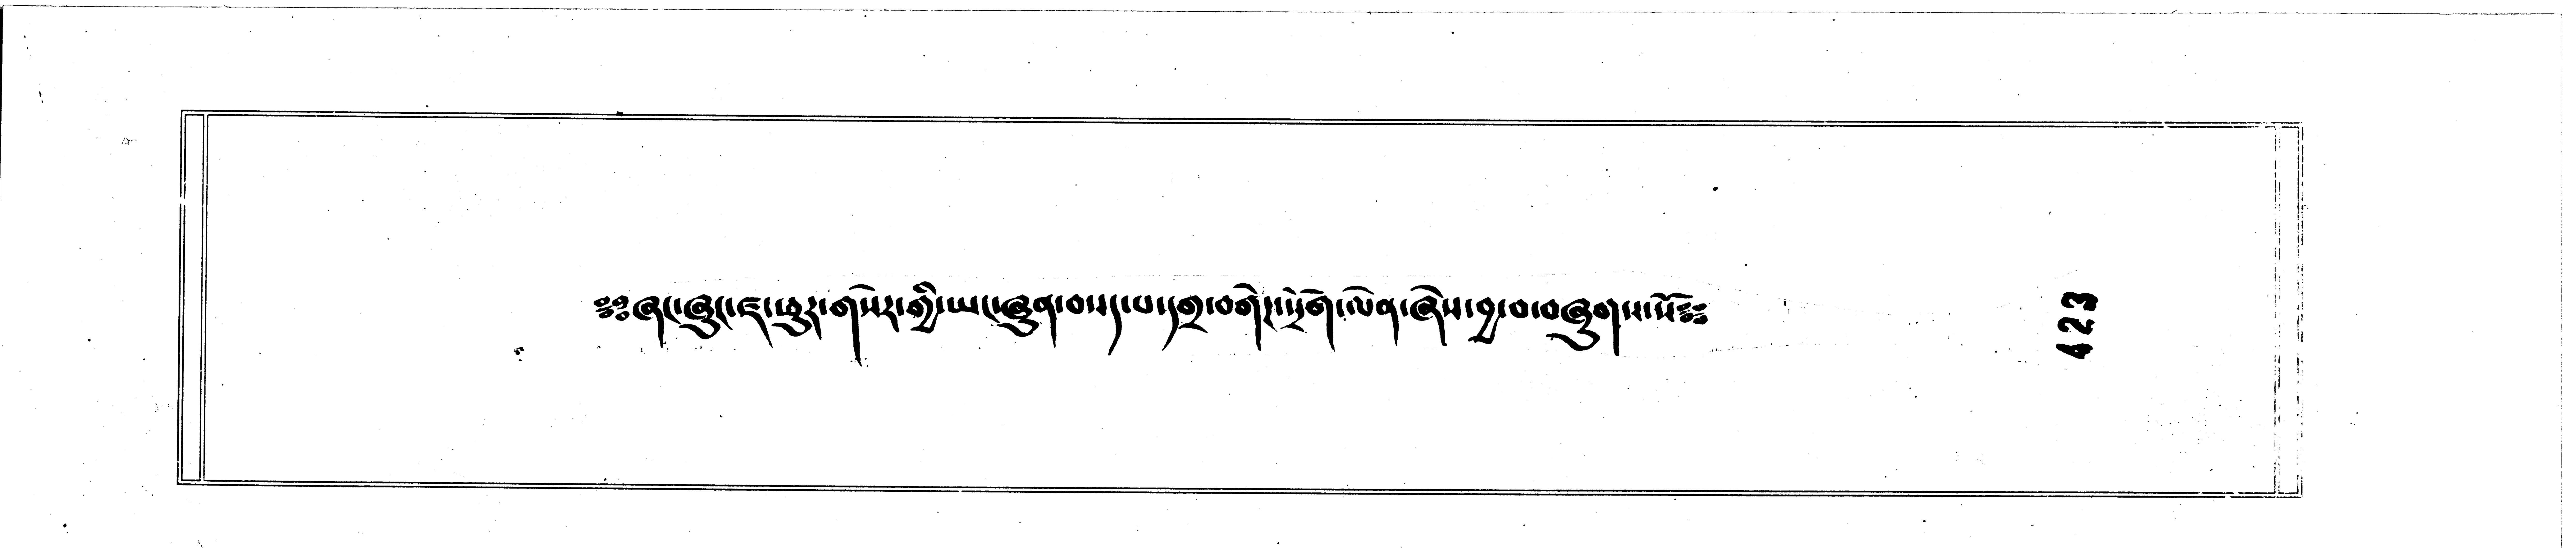༔༔ཞང་ཞུང་ཛ་ཕུར་གསེར་གྱི་ཡང་ཞུན་བསད་པ་དགྲ་བགེགས་སྲོག་ལེན་ཞེས་བྱ་བ་བཞུགས་སོ༔༔